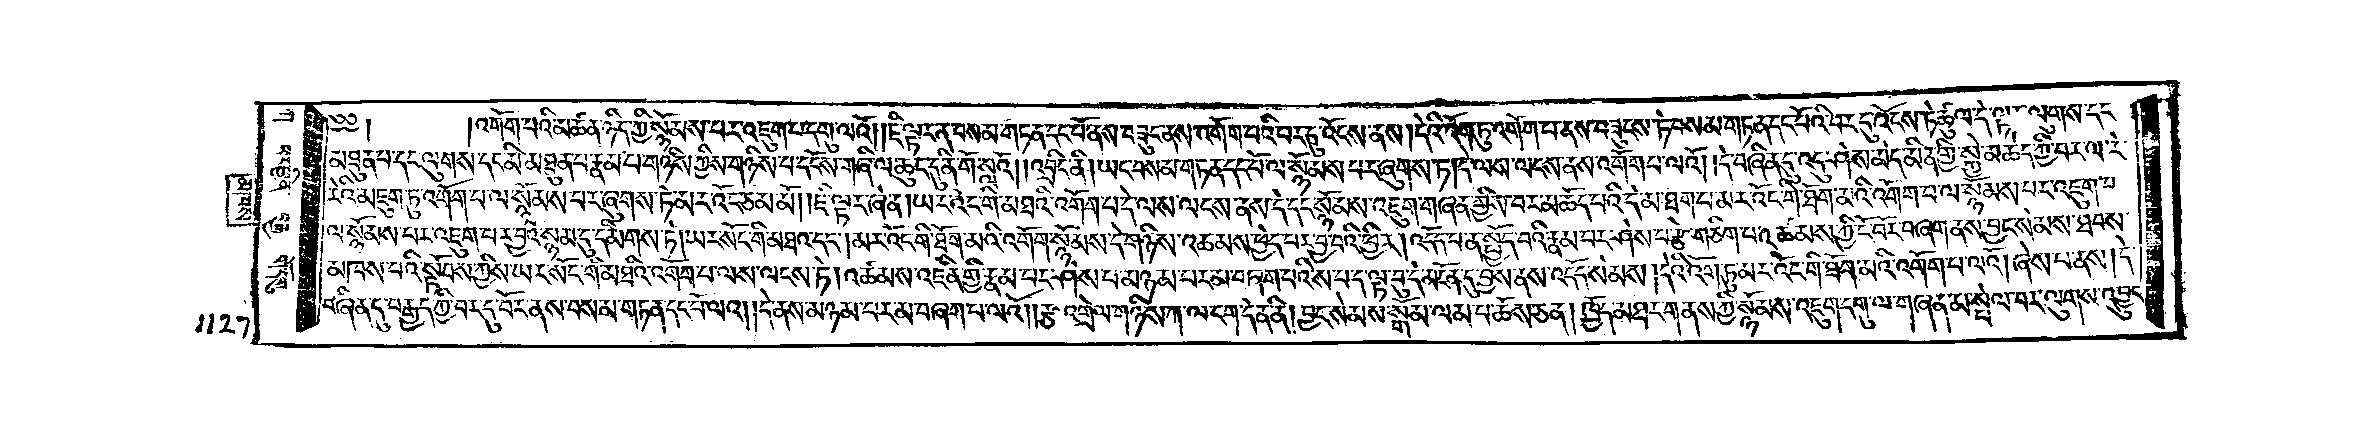༄༅། །འགོག་པའི་མཚན་ཉིད་ཀྱི་སྙོམས་པར་འཇུག་པ་དགུ་ལའོ། །ཇི་ལྟར་ན་བསམ་གཏན་དང་པོ་ནས་བཟུང་ནས་འགོག་པའི་བར་དུ་འོངས་ནས། དེའི་འོག་ཏུ་འགོག་པ་ནས་བཟུངས་ཏེ་བསམ་གཏན་དང་པོའི་བར་དུ་འོངས་ཏེ་ཚུལ་དེ་ལྟར་ལུགས་དང་
མཐུན་པ་དང་ལུགས་དང་མི་མཐུན་པ་རྣམ་པ་གཉིས་ཀྱིས་གཉིས་པ་དངོས་གཞི་ལ་ཆུང་ངུ་ནི་གོ་སླའོ། །འབྲིང་ནི། ཡང་བསམ་གཏན་དང་པོ་ལ་སྙོམས་པར་ཞུགས་ཏེ། དེ་ལས་ལངས་ནས་འགོག་པ་ལའོ། །དེ་བཞིན་དུ་འདུ་ཤེས་མེད་མིན་གྱི་སྐྱེ་མཆེད་ཀྱི་བར་ལ་རེ་
རེའི་མཇུག་ཏུ་འགོག་པ་ལ་སྙོམས་པར་ཞུགས་ཏེ་མར་འོང་ཙམ་མོ། །ཇི་ལྟར་ཞེ་ན། ཡར་འོང་གི་མཐའི་འགོག་པ་དེ་ལས་ལངས་ནས་དེ་དང་སྙོམས་འཇུག་གཞན་གྱིས་བར་མ་ཆོད་པའི་དེ་མ་ཐག་པ་མར་འོང་གི་ཐོག་མའི་འགོག་པ་ལ་སྙོམས་པར་འཇུག་པ་
ལ་སྙོམས་པར་འཇུག་པར་བྱའོ་སྙམ་དུ་དམིགས་ཏེ། ཡར་སོང་གི་མཐའ་དང་། མར་འོང་གི་ཐོག་མའི་འགོག་སྙོམས་དེ་གཉིས་འཚམས་ཕྱེད་པར་བྱ་བའི་ཕྱིར། འདོད་པ་ན་སྤྱོད་པའི་རྣམ་པར་ཤེས་པ་རྩེ་གཅིག་པ་འཚམས་ཀྱི་ངོ་བོར་བཞག་ནས་བྱང་སེམས་ཐབས་
མཁས་པའི་སྟོབས་ཀྱིས་ཡར་སོང་གི་མཐའི་འགོག་པ་ལས་ལངས་ཏེ། འཚམས་འཛིན་གྱི་རྣམ་པར་ཤེས་པ་མཉམ་པར་མ་བཞག་པའི་ས་པ་དེ་ལྟ་བུ་དེ་མངོན་དུ་བྱས་ནས་འདོད་སེམས། དེའི་འོག་ཏུ་མར་འོང་གི་ཐོག་མའི་འགོག་པ་ལའོ། ཞེས་པ་ནས། དེ་
བཞིན་དུ་བརྒྱད་ཀྱི་བར་དུ་བོར་ནས་བསམ་གཏན་དང་པོ་ལའོ། །དེ་ནས་མཉམ་པར་མ་བཞག་པ་ལའོ། །རྩ་འགྲེལ་གཉིས་ཀ་ལ་ངག་དོན་ནི། བྱང་སེམས་སྒོམ་ལམ་པ་ཆོས་ཅན། ཁྱོད་མཐར་གནས་ཀྱི་སྙོམས་འཇུག་དགུ་ལ་གཞན་མ་སྤེལ་བར་ལུགས་འབྱུང་